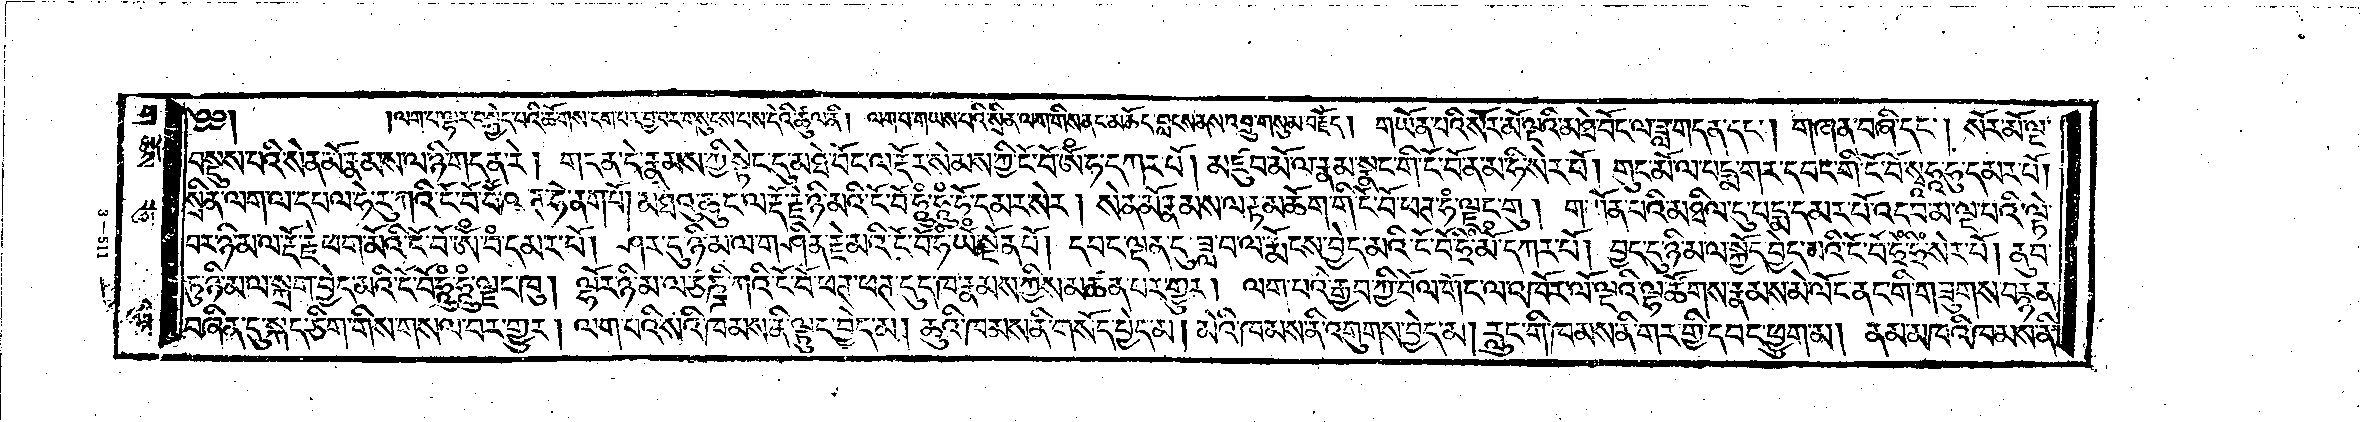༄༅། །ལག་པ་ལྷར་བསྐྱེད་པའི་ཆོགས་དག་པར་བྱ་བར་གསུངས་པས་དེའི་ཚུལ་ནི། ལག་པ་གཡས་པའི་སྲིན་ལག་གིས་ནང་མཆོད་བླངས་ནས་འབྲུ་གསུམ་བརྗོད།  གཡོན་པའི་སོར་མོ་ལྔའི་མཐེ་བོང་ལ་ཟླ་གདན་དང་། གཞན་བཞི་དང་། སོར་མོ་ལྔ་
བསྡུས་པའི་སེན་མོ་རྣམས་ལ་ཉི་གདན་རེ། གདན་དེ་རྣམས་ཀྱི་སྟེང་དུ་མཐེ་བོང་ལ་རྡོར་སེམས་ཀྱི་ངོ་བོ་ཨོཾ་ཧ་དཀར་པོ། མཛུབ་མོ་ལ་རྣམ་སྣང་གི་ངོ་བོ་ན་མ་ཧི་སེར་པོ། གུང་མོ་ལ་པདམ་གར་དབང་གི་ངོ་བོ་སྭཱཧཱ་ཧུ་དམར་པོ།
སྲིན་ལག་ལ་དཔལ་ཧེ་རུ་ཀའི་ངོ་བོ་བཽ་ཥ་ཊ་ཧེ་ནག་པོ། མཐེའུ་ཆུང་ལ་རྡོ་རྗེ་ཉི་མའི་ངོ་བོ་ཧཱུཾ་ཧཱུཾ་ཧོ་དམར་སེར། སེན་མོ་རྣམས་ལ་རྟ་མཆོག་གི་ངོ་བོ་ཕཌ་ཧཾ་ལྗང་གུ། གཡོན་པའི་མཐིལ་དུ་པདམ་དམར་པོ་འདབ་མ་ལྔ་པའི་ལྟེ་
བར་ཉི་མ་ལ་རྡོ་རྗེ་ཕག་མོའི་ངོ་བོ་ཨོཾ་བཾ་དམར་པོ། ཤར་དུ་ཉི་མ་ལ་གཤིན་རྗེ་མའི་ངོ་བོ་ཧཾ་ཡོཾ་སྔོན་པོ། དབང་ལྡན་དུ་ཟླ་བ་ལ་རྨོངས་བྱེད་མའི་ངོ་བོ་ཧྲིཾ་མོཾ་དཀར་པོ། བྱང་དུ་ཉི་མ་ལ་སྐྱོད་བྱེད་མའི་ངོ་བོ་ཧྲིཾ་ཧྲིཾ་སེར་པོ། ནུབ་
ཏུ་ཉི་མ་ལ་སྐྲག་བྱེད་མའི་ངོ་བོ་ཧཱུཾ་ཧཱུཾ་ལྗང་ཁུ། ལྷོར་ཉི་མ་ལ་ཙཎྜི་ཀའི་ངོ་བོ་ཕཌ་ཕཌ་དུད་ཁ་རྣམས་ཀྱིས་མཚན་པར་གྱུར། ལག་པའི་རྒྱབ་ཀྱི་བོལ་གོང་ལ་འཁོར་ལོ་ལྔའི་ལྷ་ཚོགས་རྣམས་མེ་ལོང་ནང་གི་གཟུགས་བརྙན་
བཞིན་དུ་སྐད་ཅིག་གིས་གསལ་བར་གྱུར། ལག་པའི་སའི་ཁམས་ནི་ལྟུང་བྱེད་མ། ཆུའི་ཁམས་ནི་གསོད་བྱེད་མ། མེའི་ཁམས་ནི་འགུགས་བྱེད་མ། རླུང་གི་ཁམས་ནི་གར་གྱི་དབང་ཕྱུག་མ། ནམ་མཁའི་ཁམས་ནི་